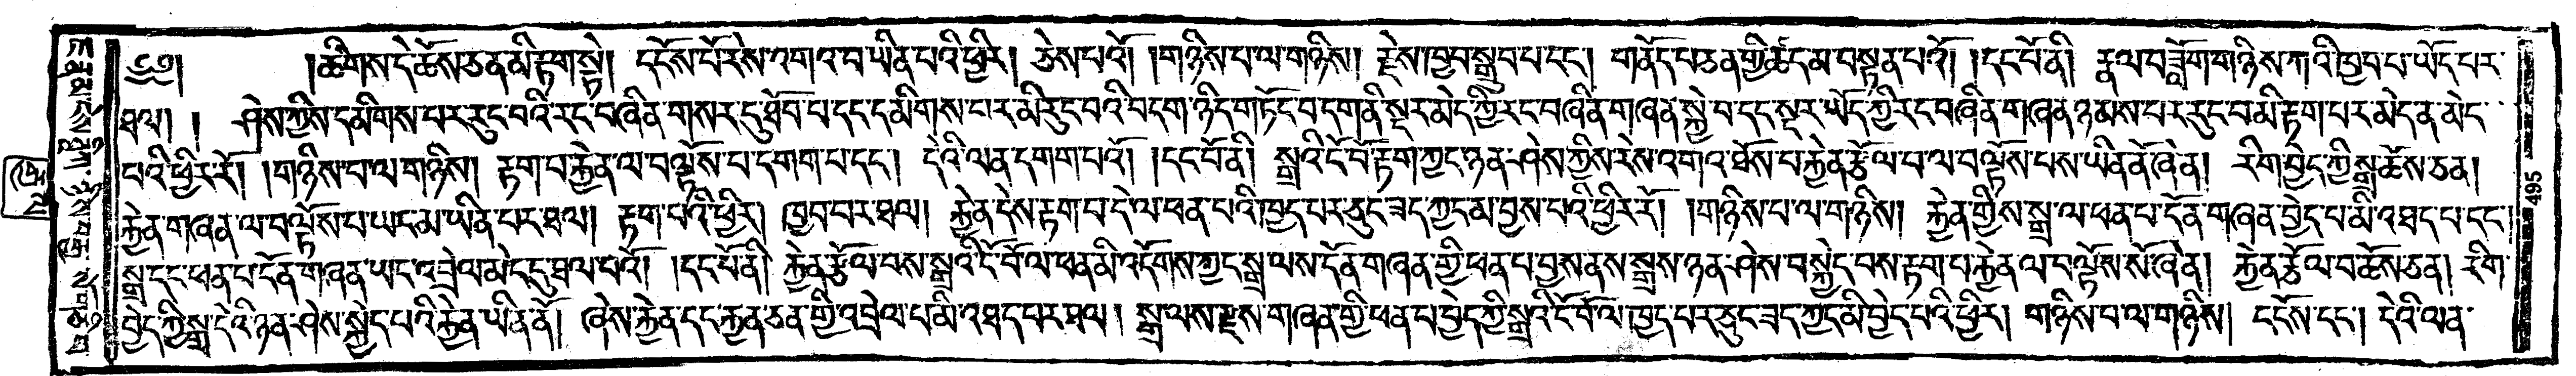༄༅། །ཚིགས་དེ་ཆོས་ཅན་མི་རྟག་སྟེ། དངོས་པོ་རེས་འགའ་བ་ཡིན་པའི་ཕྱིར། ཅེས་པའོ། །གཉིས་པ་ལ་གཉིས། རྗེས་ཁྱབ་སྒྲུབ་པ་དང་། གནོད་པ་ཅན་གྱི་ཚད་མ་བསྟན་པའོ། །དང་པོ་ནི། རྣལ་བཟློག་གཉིས་ཀའི་ཁྱབ་པ་ཡོད་པར་
ཐལ། །ཤེས་ཀྱིས་དམིགས་པར་རུང་བའི་རང་བཞིན་གསར་དུ་ཐོབ་པ་དང་དམིགས་པར་མི་རུང་བའི་བདག་ཉིད་གཏོང་བ་དག་ནི་སྔར་མེད་ཀྱི་རང་བཞིན་གཞན་སྐྱེ་བ་དང་སྔར་ཡོད་ཀྱི་རང་བཞིན་གཞན་ཉམས་པར་རུང་བ་མི་རྟག་པར་མེད་ན་མེད་
པའི་ཕྱིར་རོ། །གཉིས་པ་ལ་གཉིས། རྟག་པ་རྐྱེན་ལ་བལྟོས་པ་དགག་པ་དང་། དེའི་ལན་དགག་པའོ། །དང་པོ་ནི། སྒྲའི་ངོ་བོ་རྟག་ཀྱང་ཉན་ཤེས་ཀྱིས་རེས་འགའ་ཐོས་པ་རྐྱེན་རྩོལ་བ་ལ་བལྟོས་པས་ཡིན་ནོ་ཞེ་ན། རིག་བྱེད་ཀྱི་སྒྲ་ཆོས་ཅན།
རྐྱེན་གཞན་ལ་བལྟོས་པ་ཡང་མ་ཡིན་པར་ཐལ། རྟག་པའི་ཕྱིར། ཁྱབ་པར་ཐལ། རྐྱེན་དེས་རྟག་པ་དེ་ལ་ཕན་པའི་ཁྱད་པར་ཅུང་ཟད་ཀྱང་མ་བྱས་པའི་ཕྱིར་རོ། །གཉིས་པ་ལ་གཉིས། རྐྱེན་གྱིས་སྒྲ་ལ་ཕན་པ་དོན་གཞན་བྱེད་པ་མི་འཐད་པ་དང་།
སྒྲ་དང་ཕན་པ་དོན་གཞན་ཡང་འབྲེལ་མེད་དུ་ཐལ་བའོ། །དང་པོ་ནི། རྐྱེན་རྩོལ་བས་སྒྲའི་ངོ་བོ་ལ་ཕན་མི་འདོགས་ཀྱང་སྒྲ་ལས་དོན་གཞན་གྱི་ཕན་པ་བྱས་ནས་སྒྲས་ཉན་ཤེས་བསྐྱེད་པས་རྟག་པ་རྐྱེན་ལ་བལྟོས་སོ་ཞེ་ན། རྐྱེན་རྩོལ་པ་ཆོས་ཅན། རིག་
བྱེད་ཀྱི་སྒྲ་དེའི་ཉན་ཤེས་སྐྱེད་པའི་རྐྱེན་ཡིན་ནོ། ཞེས་རྐྱེན་དང་རྐྱན་ཅན་གྱི་འབྲེལ་པ་མི་འཐད་པར་ཐལ། སྒྲ་ལས་རྫས་གཞན་གྱི་ཕན་པ་བྱེད་ཀྱི་སྒྲའི་ངོ་བོ་ལ་ཁྱད་པར་ཅུང་ཟད་ཀྱང་མི་བྱེད་པའི་ཕྱིར། གཉིས་པ་ལ་གཉིས། དངོས་དང་། དེའི་ལན་